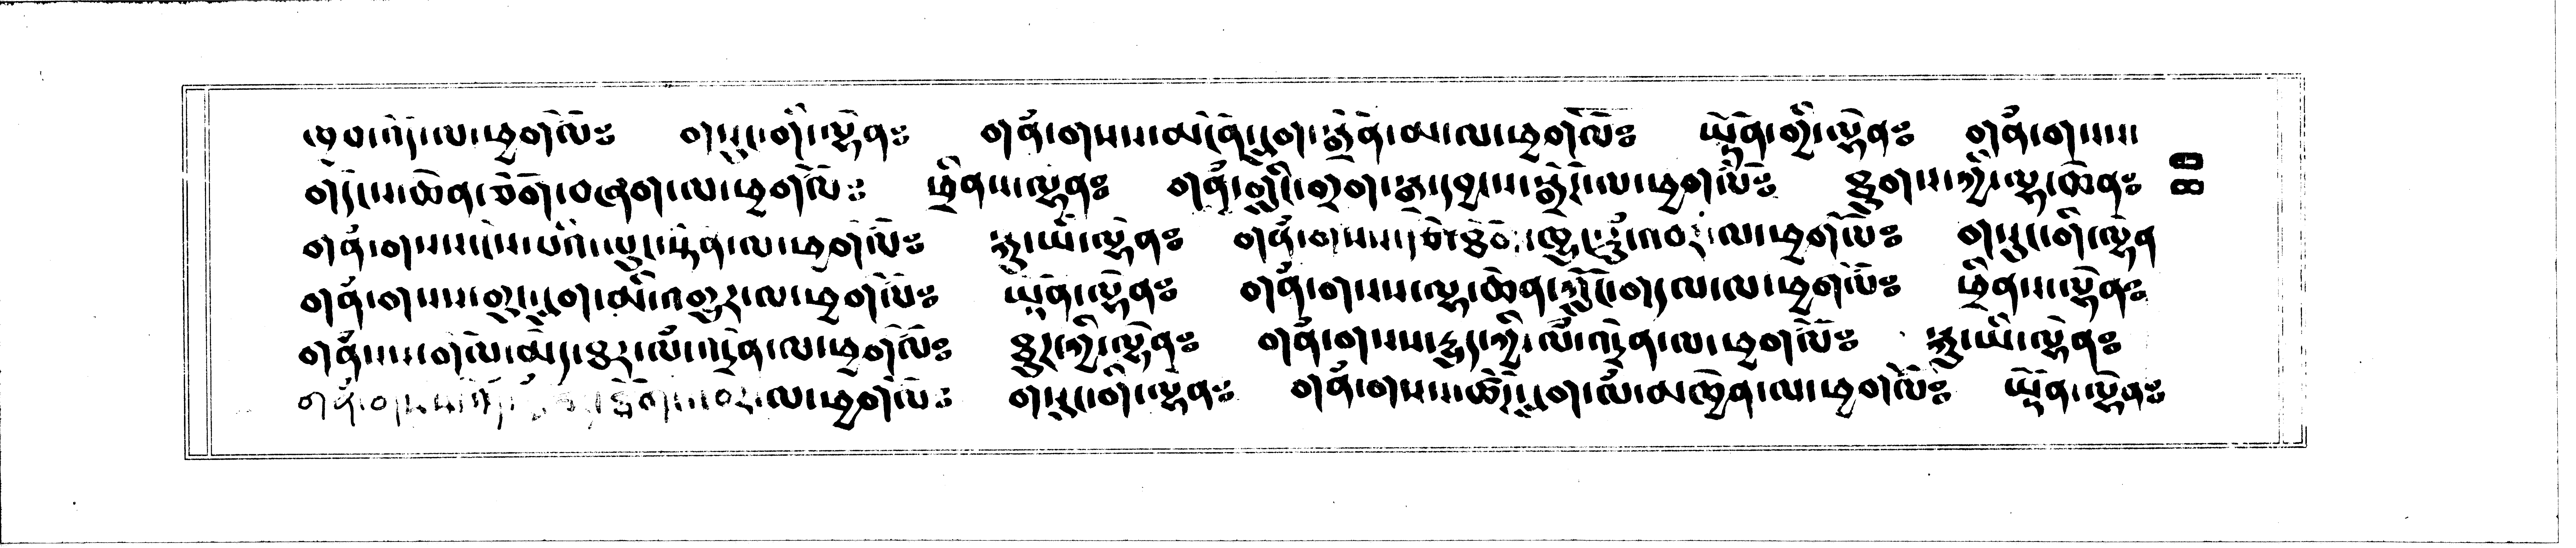ཁྱབ་འོད་ལ་ཕྱག་འཚལ་ལོཿ གསུང་གི་ལྷ་ཆེནཿ གནམ་གསས་མངོན་དྲུག་སྒྲོན་མ་ལ་ཕྱག་འཚལ་ལོཿ ཡོན་ཏན་གྱི་ལྷ་ཆེནཿ གནམ་གསས་
གདེང་ཆེན་ཅོག་བཞག་ལ་ཕྱག་འཚལ་ལོཿ ཕྲིན་ལས་ཀྱི་ལྷ་ཆེནཿ གནམ་གསས་གླིང་གྲག་སྒྲ་དབྱངས་སྒྲོག་ལ་ཕྱག་འཚལ་ལོཿ ཐུགས་ཀྱི་ལྷ་ཆེནཿ 
གནམ་གསས་ངེས་པའི་ལུང་སྟོན་ལ་ཕྱག་འཚལ་ལོཿ སྐུ་ཡི་ལྷ་ཆེནཿ གནམ་གསས་རྩེ་ཐོག་ཁྱུང་རུམ་འབར་ལ་ཕྱག་འཚལ་ལོཿ གསུང་གི་ལྷ་ཆེནཿ 
གུང་དྲུག་མི་འགྱུར་ལ་ཕྱག་འཚལ་ལོཿ ཡོན་ཏན་གྱི་ལྷ་ཆེནཿ ལྷ་ཆེན་ཀློང་བདལ་ལ་ཕྱག་འཚལ་ལོཿ ཕྲིན་ལས་ཀྱི་ལྷ་ཆེནཿ 
གནམ་གསས་གོལ་མེད་ཐར་ལམ་འདྲེན་ལ་ཕྱག་འཚལ་ལོཿ ཐུགས་ཀྱི་ལྷ་ཆེནཿ གནམ་གསས་རྒྱུད་ཀྱི་ལམ་འདྲེན་ལ་ཕྱག་འཚལ་ལོཿ སྐུ་ཡི་ལྷ་ཆེནཿ 
གནམ་གསས་འོད་རུམ་ཟེར་ཐོག་འབར་ལ་ཕྱག་འཚལ་ལོཿ གསུང་གི་ལྷ་ཆེནཿ གནམ་གསས་ཚོགས་དྲུག་ལམ་མཁྱེན་ལ་ཕྱག་འཚལ་ལོཿ ཡོན་ཏན་གྱི་ལྷ་ཆེནཿ